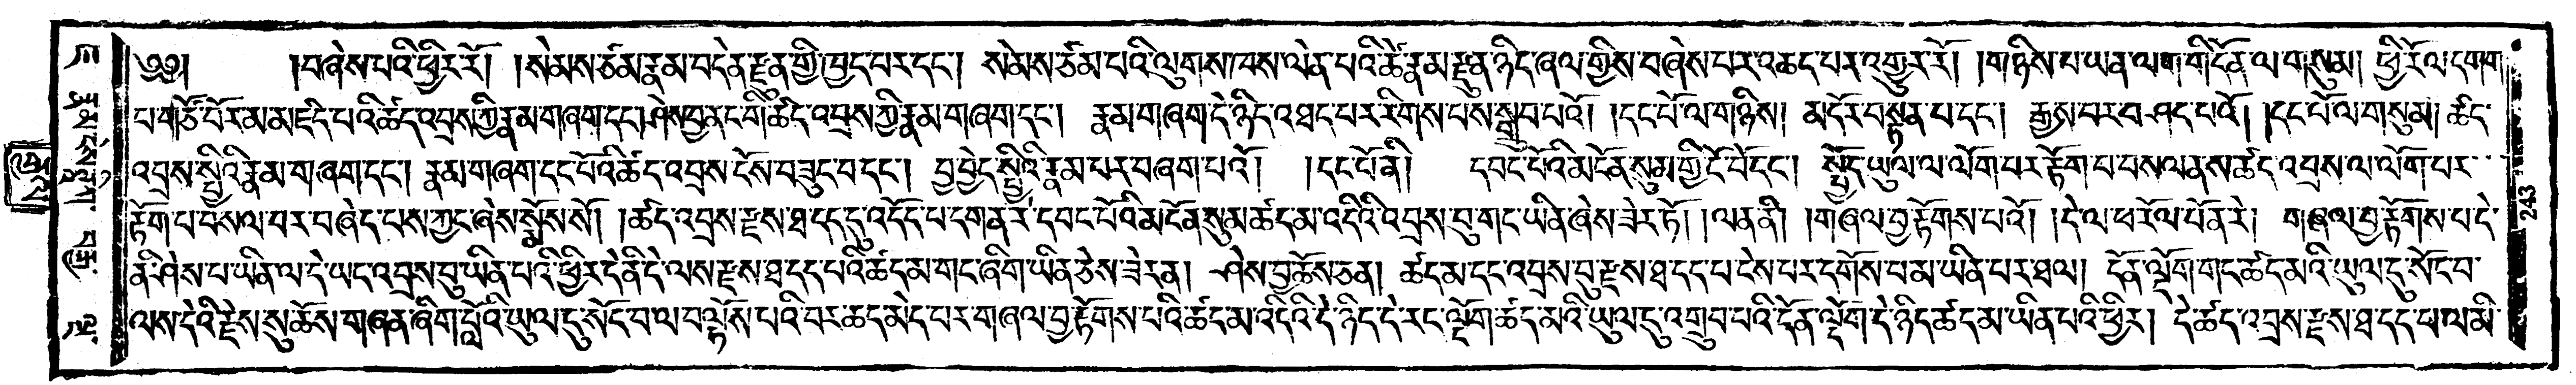༄༅། །བཞེས་པའི་ཕྱིར་རོ། །སེམས་ཙམ་རྣམ་བདེན་རྫུན་གྱི་ཁྱད་པར་དང་། སེམས་ཙམ་པའི་ལུགས་ཁས་ལེན་པའི་ཚེ་རྣམ་རྫུན་ཉིད་ཞལ་གྱིས་བཞེས་པར་འཆད་པར་འགྱུར་རོ། །གཉིས་པ་ཡན་ལག་གི་དོན་ལ་གསུམ། ཕྱི་རོལ་དགག་
པ་གཙོ་བོར་མ་མཛད་པའི་ཚད་འབྲས་ཀྱི་རྣམ་གཞག་དང་། ཤེས་བྱ་ནང་གི་ཚད་འབྲས་ཀྱི་རྣམ་གཞག་དང་། རྣམ་གཞག་དེ་ཉིད་འཐད་པར་རིགས་པས་སྒྲུབ་པའོ། །དང་པོ་ལ་གཉིས། མདོར་བསྟན་པ་དང་། རྒྱས་པར་བཤད་པའོ། །དང་པོ་ལ་གསུམ། ཚད་
འབྲས་སྤྱིའི་རྣམ་གཞག་དང་། རྣམ་གཞག་དང་པོའི་ཚད་འབྲས་ངོས་བཟུང་བ་དང་། བྱ་བྱེད་སྤྱིའི་རྣམ་པར་བཞག་པའོ། །དང་པོ་ནི། དབང་པོའི་མངོན་སུམ་གྱི་ངོ་བོ་དང་། སྤྱོད་ཡུལ་ལ་ལོག་པར་རྟོག་པ་བསལ་ནས་ཚད་འབྲས་ལ་ལོག་པར་
རྟོག་པ་བསལ་བར་བཞེད་པས་ཀྱང་ཞེས་སྨོས་སོ། །ཚད་འབྲས་རྫས་ཐ་དད་དུ་འདོད་པ་དག་ན་རེ་དབང་པོའི་མངོན་སུམ་ཚད་མ་འདིའི་འབྲས་བུ་གང་ཡིན་ཞེས་ཟེར་ཏོ། །ལན་ནི། །གཞལ་བྱ་རྟོགས་པའོ། །དེ་ལ་ཕ་རོལ་པོ་ན་རེ། གཞལ་བྱ་རྟོགས་པ་དེ་
ནི་ཤེས་པ་ཡིན་ལ་དེ་ཡང་འབྲས་བུ་ཡིན་པའི་ཕྱིར་དེ་ནི་དེ་ལས་རྫས་ཐ་དད་པའི་ཚད་མ་གང་ཞིག་ཡིན་ཅེས་ཟེར་ན། ཤེས་བྱ་ཆོས་ཅན། ཚད་མ་དང་འབྲས་བུ་རྫས་ཐ་དད་པ་ངེས་པར་དགོས་པ་མ་ཡིན་པར་ཐལ། དོན་ལྡོག་གང་ཚད་མའི་ཡུལ་དུ་སོང་བ་
ལས་དེའི་རྗེས་སུ་ཆོས་གཞན་ཞིག་བློའི་ཡུལ་དུ་སོང་བ་ལ་བལྟོས་པའི་བར་ཆད་མེད་པར་གཞལ་བྱ་རྟོགས་པའི་ཚད་མ་འདིའི་དེ་ཉིད་དེ་རང་ལྡོག་ཚད་མའི་ཡུལ་དུ་འགྲུབ་པའི་དོན་ལྡོག་དེ་ཉིད་ཚད་མ་ཡིན་པའི་ཕྱིར། དེ་ཚད་འབྲས་རྫས་ཐ་དད་པ་ལ་མི་